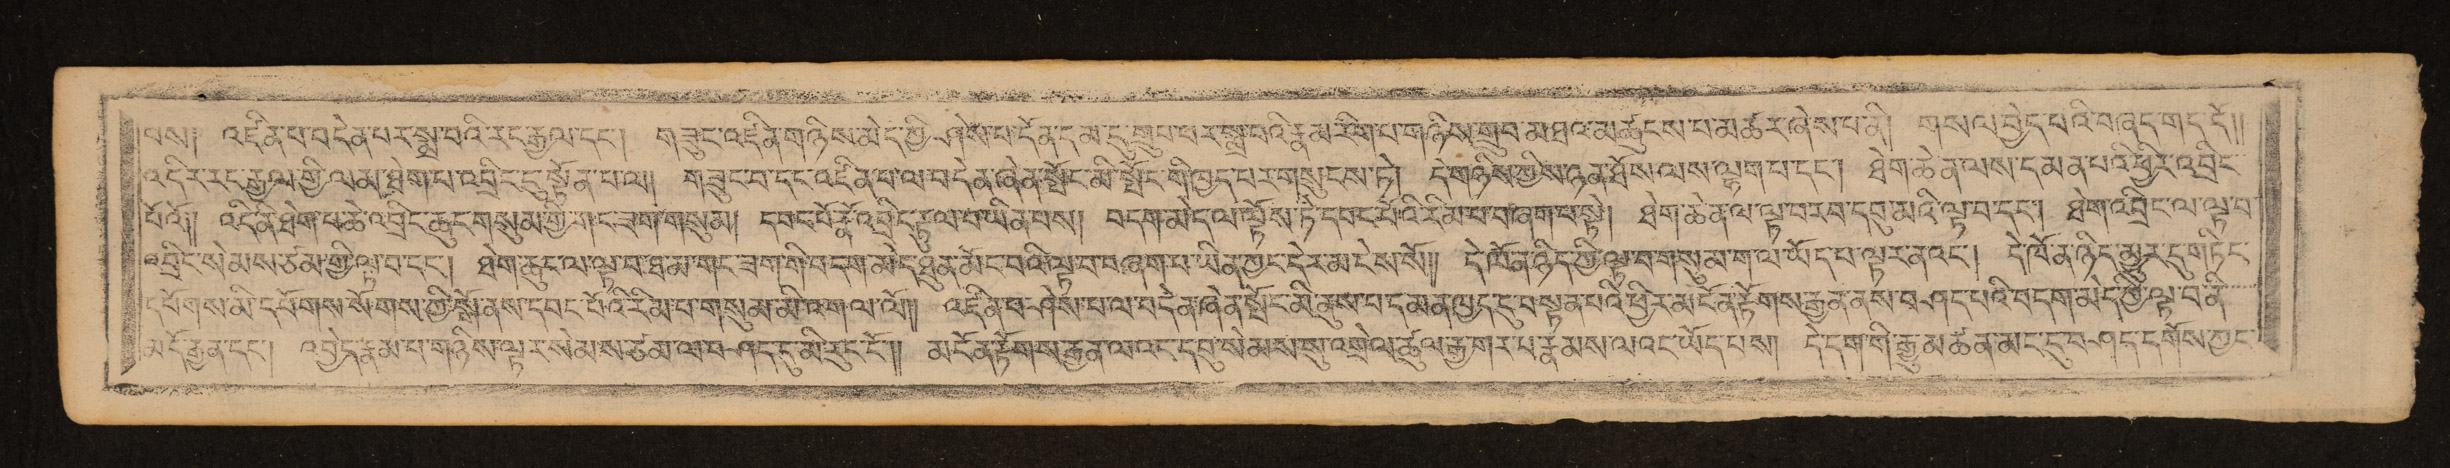པས༑ འཛིན་པ་བདེན་པར་སྨྲ་བའི་རང་རྒྱལ་དང་། གཟུང་འཛིན་གཉིས་མེད་ཀྱི་ཤེས་པ་དོན་དམ་དུ་གྲུབ་པར་སྨྲ་བའི་རྣམ་རིག་པ་གཉིས་གྲུབ་མཐའ་མཚུངས་པས་ཚར་ཞེས་པ་ནི། གསལ་བྱེད་པའི་བཞད་གད་དོ།།
འདིར་རང་རྒྱལ་གྱི་ལམ་ཐེག་པ་འབྲིང་དུ་སྟོན་པ་ལ། གཟུང་བ་དང་འཛིན་པ་ལ་བདེན་ཞེན་སྤོང་མི་སྤོང་གི་ཁྱད་པར་གསུངས་ཏེ། དེ་གཉིས་ཀྱིས་ཉན་ཐོས་ལས་ལྷག་པ་དང་། ཐེག་ཆེན་ལས་དམན་པའི་ཕྱིར་འབྲིང་
པོའོ༑༑ འདི་ནི་ཐེག་པ་ཆེ་འབྲིང་ཆུང་གསུམ་གྱི་གང་ཟག་གསུམ། དབང་པོ་རྣོ་འབྲིང་རྟུལ་བ་ཡིན་པས། བདག་མེད་ལ་ལྟོས་ཏེ་དབང་པོའི་རིམ་པ་བཞག་པ་སྟེ། ཐེག་ཆེན་ལ་ལྟ་བ་རབ་དབུ་མའི་ལྟ་བ་དང་། ཐེག་འབྲིང་ལ་ལྟ་བ་
འབྲིང་སེམས་ཙམ་གྱི་ལྟ་བ་དང་། ཐེག་ཆུང་ལ་ལྟ་བ་ཐ་མ་གང་ཟག་གི་བདག་མེད་ཐུན་མོང་བའི་ལྟ་བ་བཞག་པ་ཡིན་ཀྱང་དེར་མ་དེས་སོ།། དེ་ཁོ་ན་ཉིད་ཀྱི་ལྟ་བ་གསུམ་ག་ལ་ཡོད་པ་ལྟར་ནའང་། དེ་ཁོ་ན་ཉིད་མྱུར་དུ་གཏིང་
དཔོགས་མི་དཔོགས་སོགས་ཀྱི་སྒོ་ནས་དབང་པོའི་རིམ་པ་གསུམ་མི་འགལ་ལོ།། འཛིན་པ་ཤེས་པ་ལ་བདེན་ཞེན་སྤོང་མི་ནུས་པ་དམན་ཁྱད་དུ་བསྟན་པའི་ཕྱིར། མངོན་རྟོགས་རྒྱན་ནས་བཤད་པའི་བདག་མེད་ཀྱི་ལྟ་བ་ནི་
མདོ་རྒྱན་དང་། འབྱེད་རྣམ་པ་གཉིས་ལྟར་སེམས་ཙམ་ལ་བཤད་དུ་མི་རུང་ངོ།། མངོན་རྟོགས་རྒྱན་ལའང་དབུ་སེམས་སུ་འགྲེལ་ཚུལ་རྒྱ་གར་པ་རྣམས་ལའང་ཡོད་པས། དེ་དག་གི་རྒྱུ་མཚན་མང་དུ་བཤད་དགོས་ཀྱང་